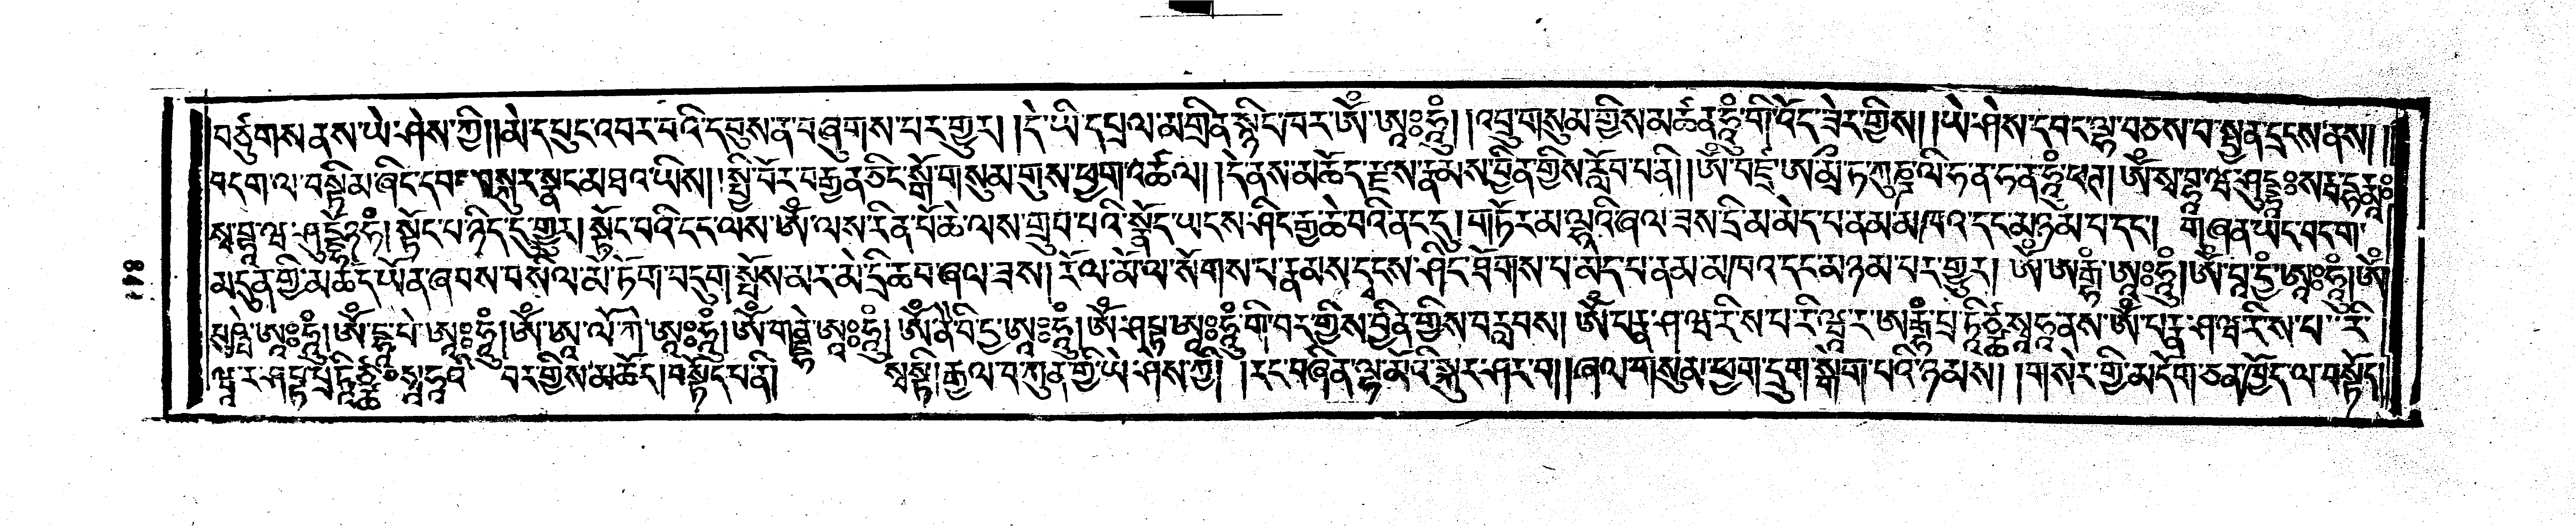བཙུགས་ནས་ཡེ་ཤེས་ཀྱི། །མེ་དཔུང་འབར་བའི་དབུས་ན་བཞུགས་པར་གྱུར། །དེ་ཡི་དཔྲལ་མགྲིན་སྙིང་ཁར་ཨོཾ་ཨཱཿ ཧཱུཾ། །འབྲུ་གསུམ་གྱིས་མཚན་ཧཱུཾ་གི་འོད་ཟེར་གྱིས། །ཡེ་ཤེས་དབང་ལྷ་བཅས་པ་སྤྱན་དྲངས་ནས། །
བདག་ལ་བསྟིམ་ཞིང་དབང་བསྐུར་སྣང་མཐའ་ཡིས། །སྤྱི་བོར་བརྒྱན་ཅིང་སྒོ་གསུམ་གུས་ཕྱག་འཚལ། །དེ་ནས་མཆོད་རྫས་རྣམས་བྱིན་གྱིས་རློབ་པ་ནི། །ཨོཾ་བཛྲ་ཨ་མྲྀ་ཏ་ཀུཎྜ་ལི་ཧ་ན་ཧ་ན་ཧཱུཾ་ཕཊ། ཨོཾ་སྭ་བྷཱ་ཝ་ཤུདྡྷཱཿ སརྦ་དྷརྨཱཿ
སྭ་བྷཱ་ཝ་ཤུདྡྷོ་ཉ་ཧཾ། སྟོང་པ་ཉིད་དུ་གྱུར། སྟོང་པའི་ངང་ལས་ཨོཾ་ལས་རིན་པོ་ཆེ་ལས་གྲུབ་པའི་སྣོད་ཡངས་ཤིང་རྒྱ་ཆེ་བའི་ནང་དུ། གཏོར་མ་ལྷའི་ཞལ་ཟས་དྲི་མ་མེད་པ་ནམ་མཁའ་དང་མཉམ་པ་དང་། གཞན་ཡང་བདག་
མདུན་གྱི་མཆོད་ཡོན་ཞབས་བསིལ་མེ་ཏོག་བདུག་སྤོས་མར་མེ་དྲི་ཆབ་ཞལ་ཟས། རོལ་མོ་ལ་སོགས་པ་རྣམས་དྭངས་ཤིང་ཐོགས་པ་མེད་པ་ནམ་མཁའ་དང་མཉམ་པར་གྱུར། ཨོཾ་ཨརྒྷཾ་ཨཱཿ ཧཱུཾ། ཨོཾ་པཱ་དྱཾ་ཨཱཿ ཧཱུཾ། ཨོཾ་
པུཥྤེ་ཨཱཿ ཧཱུཾ། ཨོཾ་དྷཱུ་པེ་ཨཱཿ ཧཱུཾ། ཨོཾ་ཨཱ་ལོ་ཀེ་ཨཱཿ ཧཱུཾ། ཨོཾ་གནྡྷེ་ཨཱཿ ཧཱུཾ། ཨོཾ་ནཻ་བི་དྱ་ཨཱཿ ཧཱུཾ། ཨོཾ་ཤཔྟ་ཨཱཿ ཧཱུཾ་གི་བར་གྱིས་བྱིན་གྱིས་བརླབས། ཨོཾ་པརྣ་ཤ་ཝ་རི་ས་པ་རི་ཝཱ་ར་ཨརྒྷཾ་པྲ་ཏཱི་ཙྪ་སྭཱཧཱ་ནས་ཨོཾ་པརྣ་ཤ་ཝ་རི་ས་པ་རི་
ཝཱ་ར་ཤཔྟ་པྲ་ཏཱི་ཙྪ་སྭཱཧཱའི་བར་གྱིས་མཆོད། བསྟོད་པ་ནི། སྭསྟི། རྒྱལ་བ་ཀུན་གྱི་ཡེ་ཤེས་ཀྱི། །རང་བཞིན་ལྷ་མོའི་སྐུར་ཤར་བ། །ཞལ་གསུམ་ཕྱག་དྲུག་སྒེག་པའི་ཉམས། །གསེར་གྱི་མདོག་ཅན་ཁྱོད་ལ་བསྟོད། །